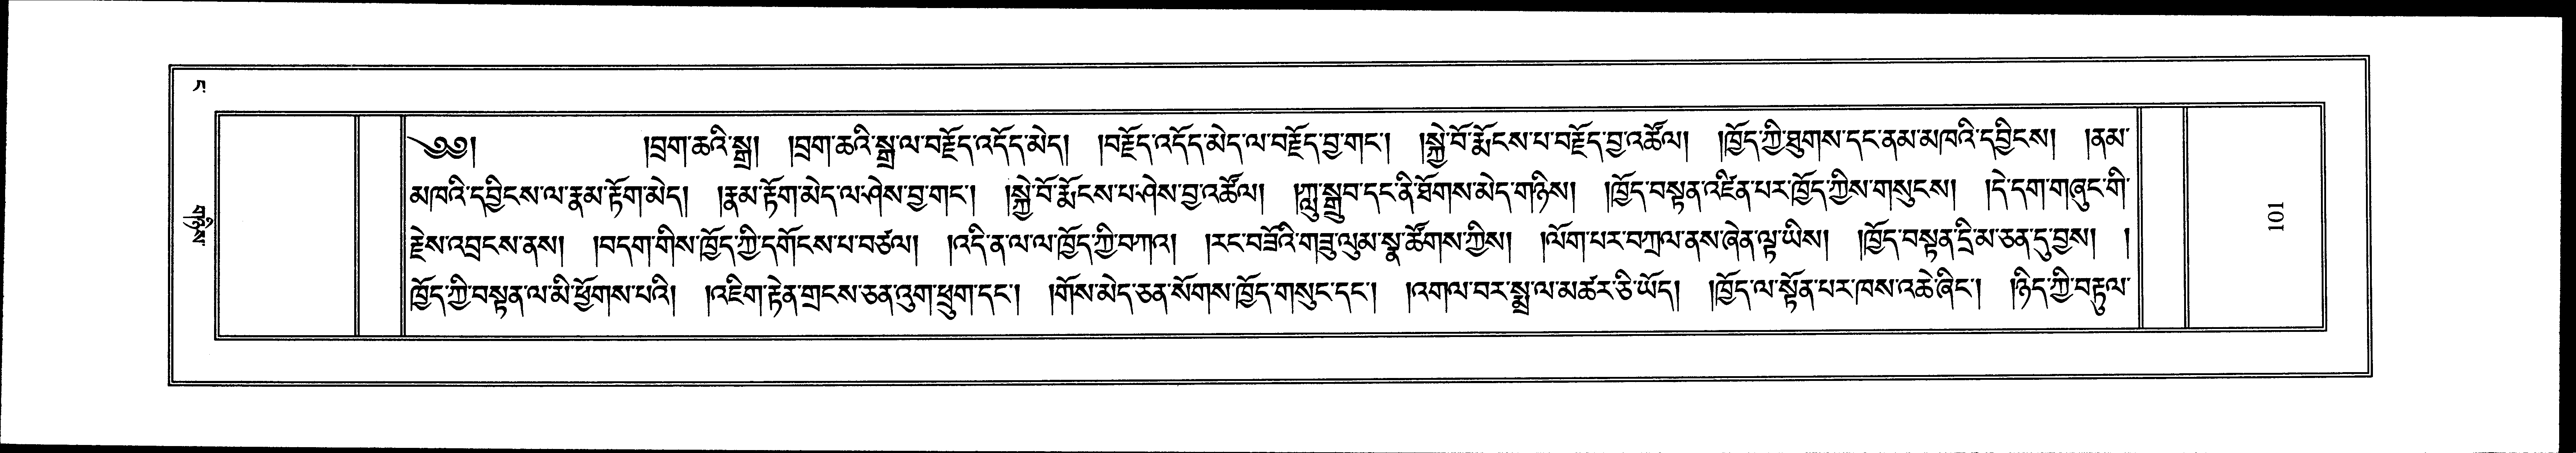༄༅། །བྲག་ཆའི་སྒྲ། །བྲག་ཆའི་སྒྲ་ལ་བརྗོད་འདོད་མེད། །བརྗོད་འདོད་མེད་ལ་བརྗོད་བྱ་གང་། །སྐྱེ་བོ་རྨོངས་པ་བརྗོད་བྱ་འཚོལ། །ཁྱོད་ཀྱི་ཐུགས་དང་ནམ་མཁའི་དབྱིངས། །ནམ་
མཁའི་དབྱིངས་ལ་རྣམ་རྟོག་མེད། །རྣམ་རྟོག་མེད་ལ་ཤེས་བྱ་གང་། །སྐྱེ་བོ་རྨོངས་པ་ཤེས་བྱ་འཚོལ། །ཀླུ་སྒྲུབ་དང་ནི་ཐོགས་མེད་གཉིས། །ཁྱོད་བསྟན་འཛིན་པར་ཁྱོད་ཀྱིས་གསུངས། །དེ་དག་གཞུང་གི་
རྗེས་འབྲངས་ནས། །བདག་གིས་ཁྱོད་ཀྱི་དགོངས་པ་བཙལ། །འདི་ན་ལ་ལ་ཁྱོད་ཀྱི་བཀའ། །རང་བཟོའི་གཟུ་ལུམ་སྣ་ཚོགས་ཀྱིས། །ལོག་པར་བཀྲལ་ནས་ཞེན་ལྟ་ཡིས། །ཁྱོད་བསྟན་དྲི་མ་ཅན་དུ་བྱས། །
ཁྱོད་ཀྱི་བསྟན་ལ་མི་ཕྱོགས་པའི། །འཇིག་རྟེན་གྲངས་ཅན་འུག་ཕྲུག་དང་། །གོས་མེད་ཅན་སོགས་ཁྱོད་གསུང་དང་། །འགལ་བར་སྨྲ་ལ་མཚར་ཅི་ཡོད། །ཁྱོད་ལ་སྟོན་པར་ཁས་འཆེ་ཞིང་། །ཉིད་ཀྱི་བརྟུལ་